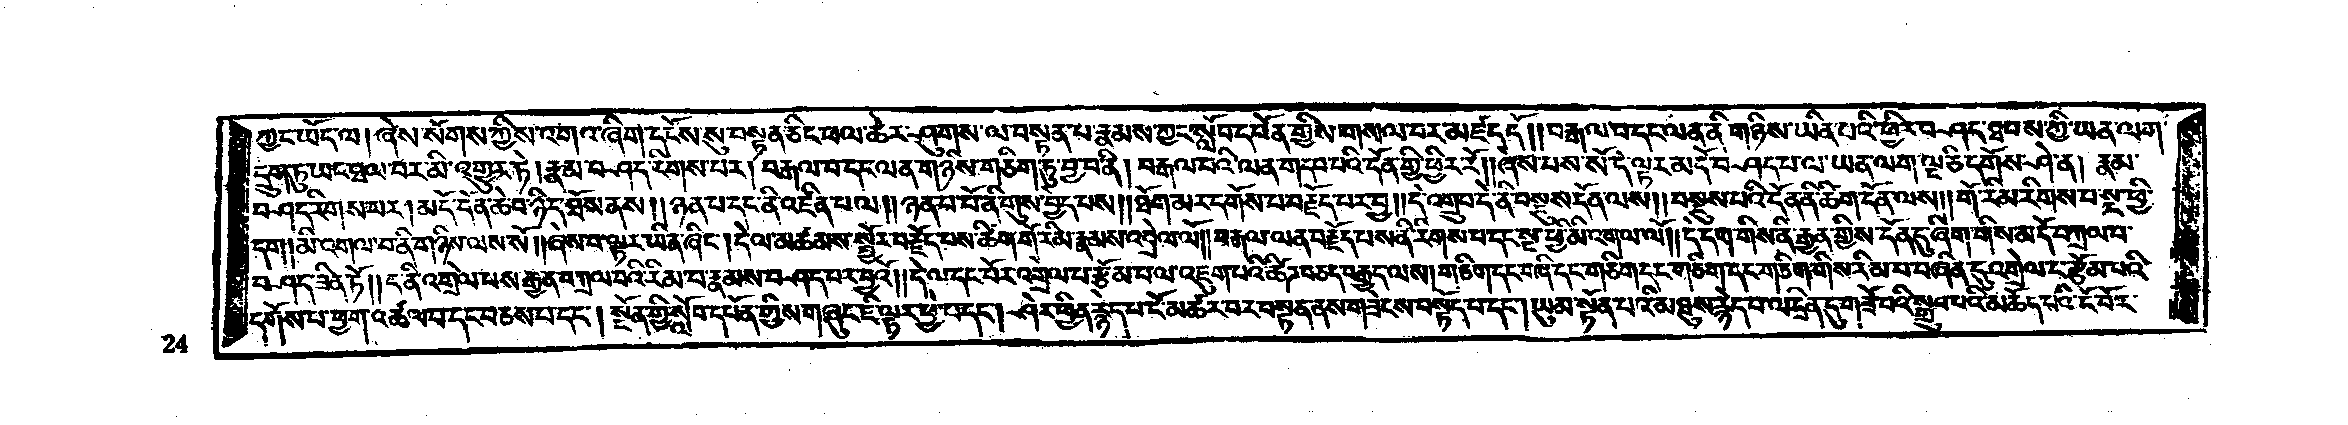ཀྱང་ཡོད་ལ། ཞེས་སོགས་ཀྱིས་འགའ་ཞིག་དངོས་སུ་བསྟན་ཅིང་ཕལ་ཆེར་ཤུགས་ལ་བསྟན་པ་རྣམས་ཀྱང་སློབ་དཔོན་གྱིས་གསལ་བར་མཛད་དོ། །བརྒལ་བ་དང་ལན་ནི་གཉིས་ཡིན་པའི་ཕྱིར་བཤད་ཐབས་ཀྱི་ཡན་ལག་
དྲུག་ཏུ་ཡང་ཐལ་བར་མི་འགྱུར་ཏེ། རྣམ་བཤད་རིགས་པར། བརྒལ་བ་དང་ལན་གཉིས་གཅིག་ཏུ་བྱ་བ་ནི། བརྒལ་བའི་ལན་གདབ་པའི་དོན་གྱི་ཕྱིར་རོ། །ཞེས་པས་སོ་དེ་ལྟར་མདོ་བཤད་པ་ལ་ཡན་ལག་ལྔ་ཅི་དགོས་ཤེ་ན། རྣམ་
བཤད་རིགས་པར། མདོ་དོན་ཆེ་བ་ཉིད་ཐོས་ནས། །ཉན་པ་དང་ནི་འཛིན་པ་ལ། །ཉན་པ་པོ་ནི་གུས་བྱེད་པས། །ཐོག་མར་དགོས་པ་བརྗོད་པར་བྱ། །དེ་འགྲུབ་དེ་ནི་བསྡུས་དོན་ལས། །བསྡུས་པའི་དོན་ནི་ཚིག་དོན་ལས། །གོ་རིམ་རིགས་པ་སྔ་ཕྱི་
དག །མི་འགལ་བ་ནི་གཉིས་ལས་སོ། །ཞེས་པ་ལྟར་ཡིན་ཞིང་། དེ་ལ་མཚམས་སྦྱོར་བརྗོད་པས་ཚིག་གོ་རིམ་རྣམས་འབྲེལ་ལོ། །བརྒལ་ལན་བརྗོད་པས་ནི་རིགས་པ་དང་སྔ་ཕྱི་མི་འགལ་ལོ། །དེ་དག་གིས་ནི་རྒྱན་གྱིས་དོན་དུ་ཞིག་གིས་མདོ་བཀྲལ་བ་
བཤད་ཟིན་ཏོ། །ད་ནི་འགྲེལ་པས་རྒྱན་བཀྲལ་བའི་རིམ་པ་རྣམས་བཤད་པར་བྱའོ། །དེ་ལ་དང་པོར་འགྲེལ་པ་རྩོམ་པ་ལ་འཇུག་པའི་ཚིགས་བཅད་བརྒྱད་ལས། གཅིག་དང་བཞི་དང་གཅིག་དང་གཅིག་དང་གཅིག་གིས་རིམ་པ་བཞིན་དུ་འགྲེལ་པ་རྩོམ་པའི་
དགོས་པ་ཕྱག་འཚལ་བ་དང་བཅས་པ་དང་། སྔོན་གྱི་སློབ་དཔོན་གྱིས་གཞུང་ཇི་ལྟར་ཕྱེ་བ་དང་། ཤེར་ཕྱིན་རྙེད་པ་ངོ་མཚར་བར་བསྟན་ནས་གཟེངས་བསྟོད་པ་དང་། ཡུམ་སྟོན་པའི་མཐུས་རྙེད་པ་ལ་དྲིན་དུ་གཟོ་བའི་སྒྲུབ་པའི་མཆོད་པའི་ངོ་བོར་